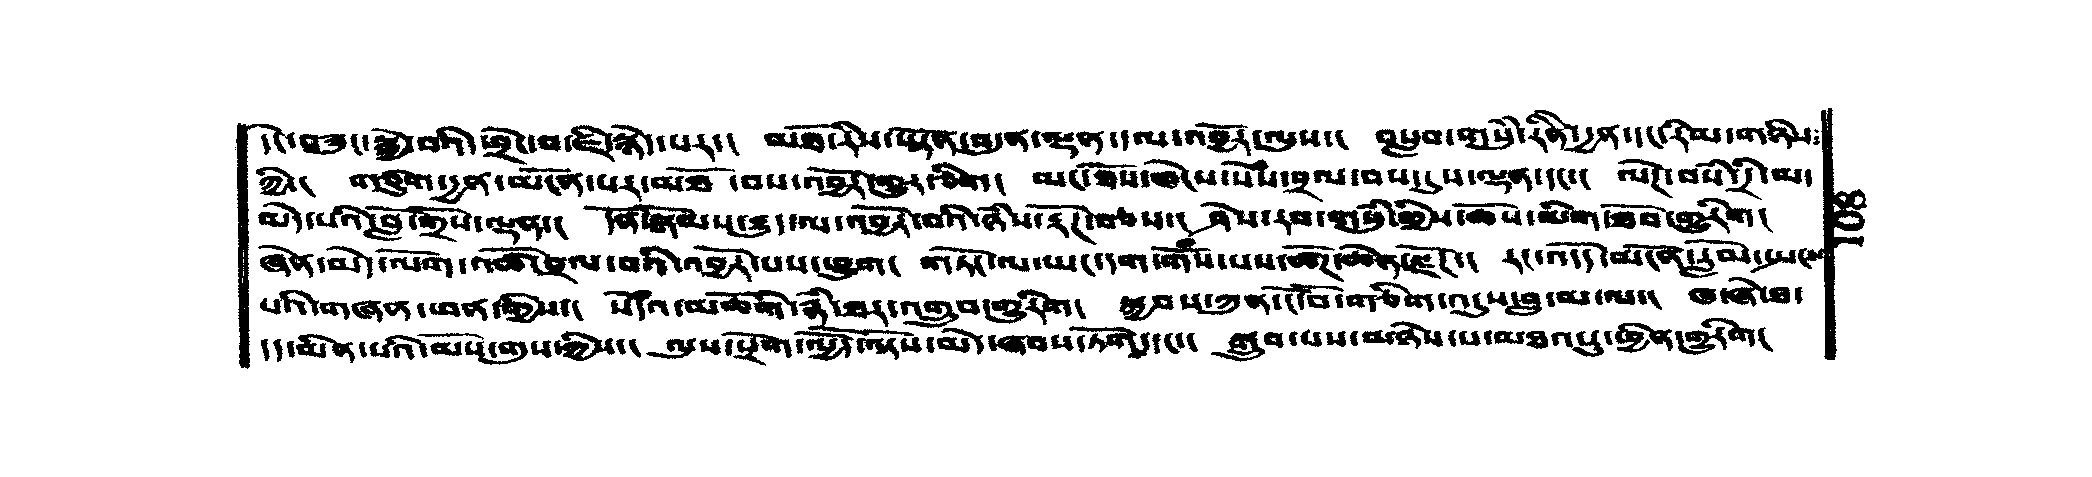།དེང་བཟུང་སྐྱེ་བའི་ཕྲེང་བ་ཇི་སྙེད་པར། །མཐོ་རིས་ཡོན་ཏན་བདུན་ལྡན་དལ་འབྱོར་ལུས། །བསླབ་གསུམ་རིན་ཆེན་རྒྱན་དང་རིམ་གཉིས་
ཀྱི། །གཙུག་རྒྱན་མངོན་པར་མཐོ་བས་འབྱོར་གྱུར་ཅིག །མང་ཐོས་ཁེངས་སེམས་བྲལ་བས་དུས་ལྡན་དང་། །ལེགས་བསམ་དྲི་མ་
མེད་པའི་བློ་གྲོས་ལྡན། །དོན་སྒོམས་རྒྱུད་ལ་འབྱོར་བའི་ཉམས་རྟོགས་བཅས། །ཤེས་རབ་གསུམ་གྱིས་ཆོས་མིག་ཐོབ་གྱུར་ཅིག 
ཞེན་མེད་ལོག་འཚོ་བྲལ་བའི་འབྱོར་པས་ཕྱུག །གཏོང་ལ་ཡང་དག་གོམས་པས་ཚོགས་ཆེན་རྫོགས། །རང་འདོད་མངོན་རློམ་སྤངས་
པའི་གཞན་ཕན་གྱིས། །སེམས་དཔའ་མཆོག་གི་རྣམ་ཐར་འགྲུབ་གྱུར་ཅིག །སྐྱབས་ཀུན་ངོ་བོ་གཅིག་འདུས་བླ་མ་ལ། །ཁ་ཞེ་ཐ་
དད་མིན་པའི་མོས་གུས་ཀྱིས། །ལུས་སྲོག་ལོངས་སྤྱོད་ལྟོས་མེད་ཞབས་ཏོག་དང་། །སྒྲུབ་པས་མཉེས་པ་མཐའ་རུ་ཕྱིན་གྱུར་ཅིག